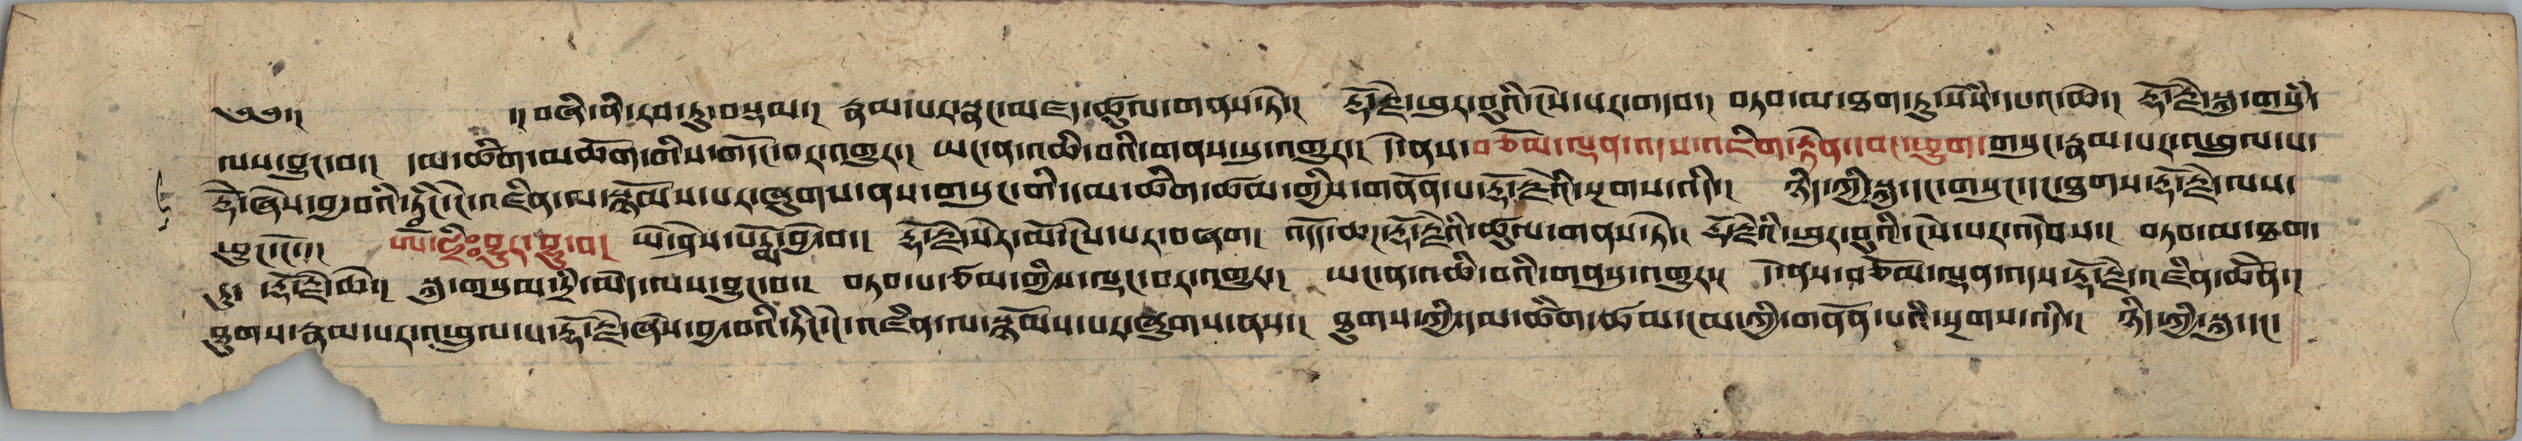༄༅་། ་། བཞི་ནི་རབ་ཏུ་བསྡམ་། རྣམ་པར་སྣང་མཛད་ཚུལ་གནས་ཏེ་། རྡོ་རྗེ་ཕུར་བུའི་ངེས་པར་གདབ་། བཏབ་མ་ཐག་ཏུ་སེཾས་དཔའ་ཆེ་། རྡོ་རྗེ་སྐུ་གསུཾ་
ལས་བྱུང་བ་། དམ་ཚིག་མཆོག་གིས་གདོང་བར་འགྱུར་། ཡང་ན་འཆི་བའི་གནས་སུ་འགྱུར་། དེ་ནས་བཅོམ་ལྡན་འདས་འཇིག་རྟེན་དབང་ཕྱུག་གསུང་རྣམ་པར་འཕྲུལ་པ་
རྡོེ་ཞེས་བྱ་བའི་ཏིང་ངེ་འཛིན་ལ་སྙོམས་པར་ཞུགས་ནས་གསུང་གི་དམ་ཚིག་ཚམ་གྱིས་གནོན་པ་རྡོ་རྗེའི་སྔགས་འདི་། ཉིད་ཀྱི་སྐུ་དང་གསུང་་དང་ཐུགས་རྡོ་རྗེ་ལས་
ཕྱུང་ངོ་་། ཨོཾ་ཧྲིཿབྷུར་བྷུ་བ། ཡེ་ཤེས་པདྨོ་བྱེ་བ་། རྡོ་རྗེ་སེར་མོ་ངེས་པར་བཞག། འདོད་ཆཌ་རྡོ་རྗེའི་ཚུལ་གནས་ཏེ་། རྡོ་རྗེའི་ཕུར་བུའི་ངེས་པར་འདེབས་། བཏབ་མ་ཐག་
ཏུ་ ་རྡོ་རྗེ་ཆེ་། སྐུ་གསུམ་དྲི་མེད་ལས་བྱུང་བ་། བཏབ་པ་ཙམ་གྱིས་ལྡང་བར་འགྱུར་། ཡང་ན་འཆི་བའི་གནསུ་འགྱུར་། དེ་ནས་བཅོམ་ལྡན་འདས་རྡོ་རྗེ་འཛིན་ཆེནོ་།
ཐུགས་རྣམ་པར་འཕྲུལ་པ་རྡོ་རྗེ་ཞེས་བྱ་བའི་ཏིང་ངེ་འཛིན་ལ་སྙོམས་པར་ཞུགས་ནས་། ཐུགས་ཀྱི་དམ་ཚིག་ཚམ་ངམ་ཀྱི་གནོན་པའི་སྔགས་འདི་། ཉིད་ཀྱི་སྐུ་དང་